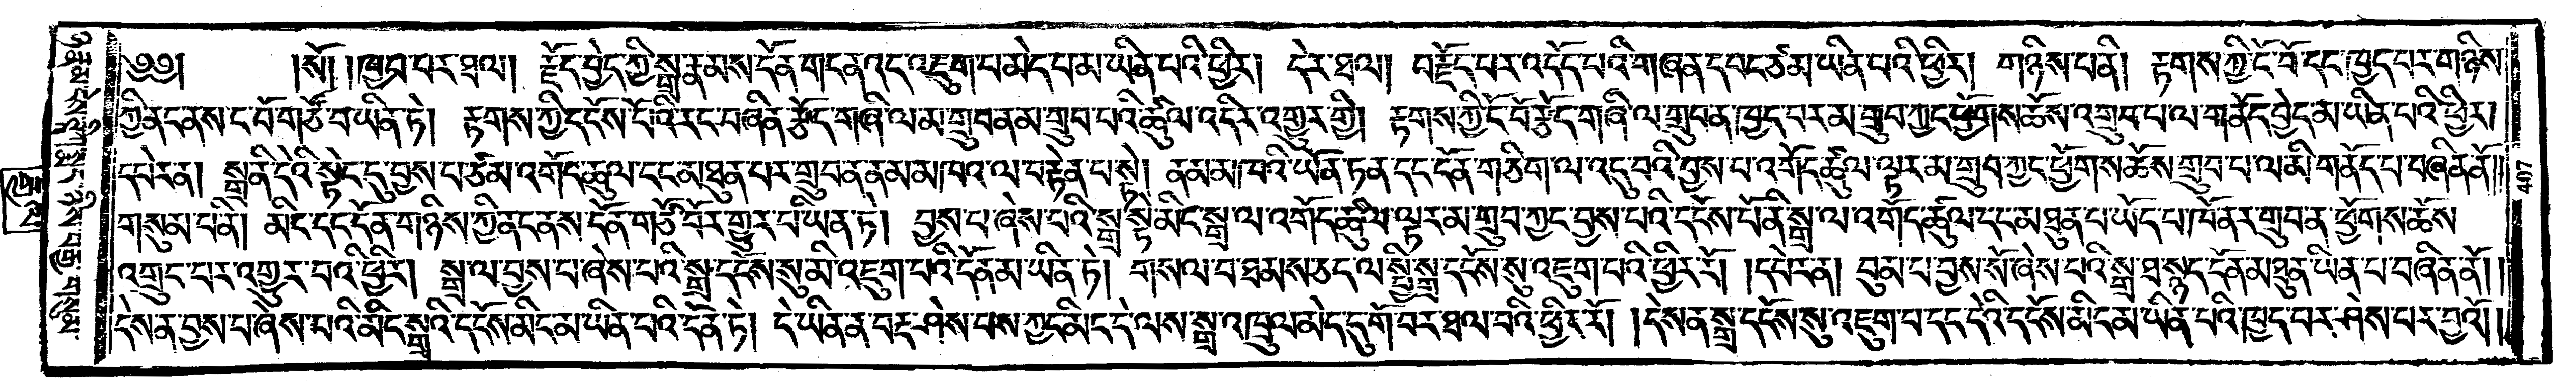༄༅། །སོ། །ཁྱབ་པར་ཐལ། རྗོད་བྱེད་ཀྱི་སྒྲ་རྣམས་དོན་གང་ནའང་འཇུག་པ་མེད་པ་མ་ཡིན་པའི་ཕྱིར། དེར་ཐལ། བརྗོད་པར་འདོད་པའི་གཞན་དབང་ཙམ་ཡིན་པའི་ཕྱིར། གཉིས་པ་ནི། རྟགས་ཀྱི་ངོ་བོ་དང་ཁྱད་པར་གཉིས་
ཀྱི་ནང་ནས་ངོ་བོ་གཙོ་བོ་ཡིན་ཏེ། རྟགས་ཀྱི་དངོས་པོའི་རང་བཞིན་རྩོད་གཞི་ལ་མ་གྲུབ་ན་མ་གྲུབ་པའི་ཚུལ་འདིར་འགྱུར་གྱི། རྟགས་ཀྱི་ངོ་བོ་རྩོད་གཞི་ལ་གྲུབ་ན་ཁྱད་པར་མ་གྲུབ་ཀྱང་ཕྱོགས་ཆོས་འགྲུབ་པ་ལ་གནོད་བྱེད་མ་ཡིན་པའི་ཕྱིར།
དཔེར་ན། སྒྲ་ནི་དེའི་སྟེང་དུ་བྱས་པ་ཙམ་འགོད་ཆུལ་དང་མཐུན་པར་གྲུབ་ན་ནམ་མཁའ་ལ་བརྟེན་པ་སྟེ། ནམ་མཁའི་ཡོན་ཏན་དང་དོན་གཅིག་ལ་འདུ་བའི་བྱས་པ་འགོད་ཚུལ་ལྟར་མ་གྲུབ་ཀྱང་ཕྱོགས་ཆོས་གྲུབ་པ་ལ་མི་གནོད་པ་བཞིན་ནོ།།
གསུམ་པ་ནི། མིང་དང་དོན་གཉིས་ཀྱི་ནང་ནས་དོན་གཙོ་བོར་གྱུར་པ་ཡིན་ཏེ། བྱས་པ་ཞེས་པའི་སྒྲ་སྟེ་མིང་སྒྲ་ལ་འགོད་ཚུལ་ལྟར་མ་གྲུབ་ཀྱང་བྱས་པའི་དངོས་པོ་ནི་སྒྲ་ལ་འགོད་ཚུལ་དང་མཐུན་པ་ཡོད་པ་ཁོ་ནར་གྲུབ་ན་ཕྱོགས་ཆོས་
འགྲུབ་པར་འགྱུར་བའི་ཕྱིར། སྒྲ་ལ་བྱས་པ་ཞེས་པའི་སྒྲ་དངོས་སུ་མི་འཇུག་པའི་དོན་མ་ཡིན་ཏེ། གསལ་བ་ཐམས་ཅད་ལ་སྤྱི་སྒྲ་དངོས་སུ་འཇུག་པའི་ཕྱིར་རོ། །དཔེར་ན། བུམ་པ་བྱས་སོ་ཞེས་པའི་སྒྲ་ཐ་སྙད་དོན་མཐུན་ཡིན་པ་བཞིན་ནོ།།
དེས་ན་བྱས་པ་ཞེས་པའི་མིང་སྒྲའི་དངོས་མིང་མ་ཡིན་པའི་དོན་ཏེ། དེ་ཡིན་ན་བརྡ་ཤེས་པས་ཀྱང་མིང་དེ་ལས་སྒྲ་འཁྲུལ་མེད་དུ་གོ་བར་ཐལ་བའི་ཕྱིར་རོ། །དེས་ན་སྒྲ་དངོས་སུ་འཇུག་པ་དང་དེའི་དངོས་མིང་མ་ཡིན་པའི་ཁྱད་པར་ཤེས་པར་བྱའོ།།